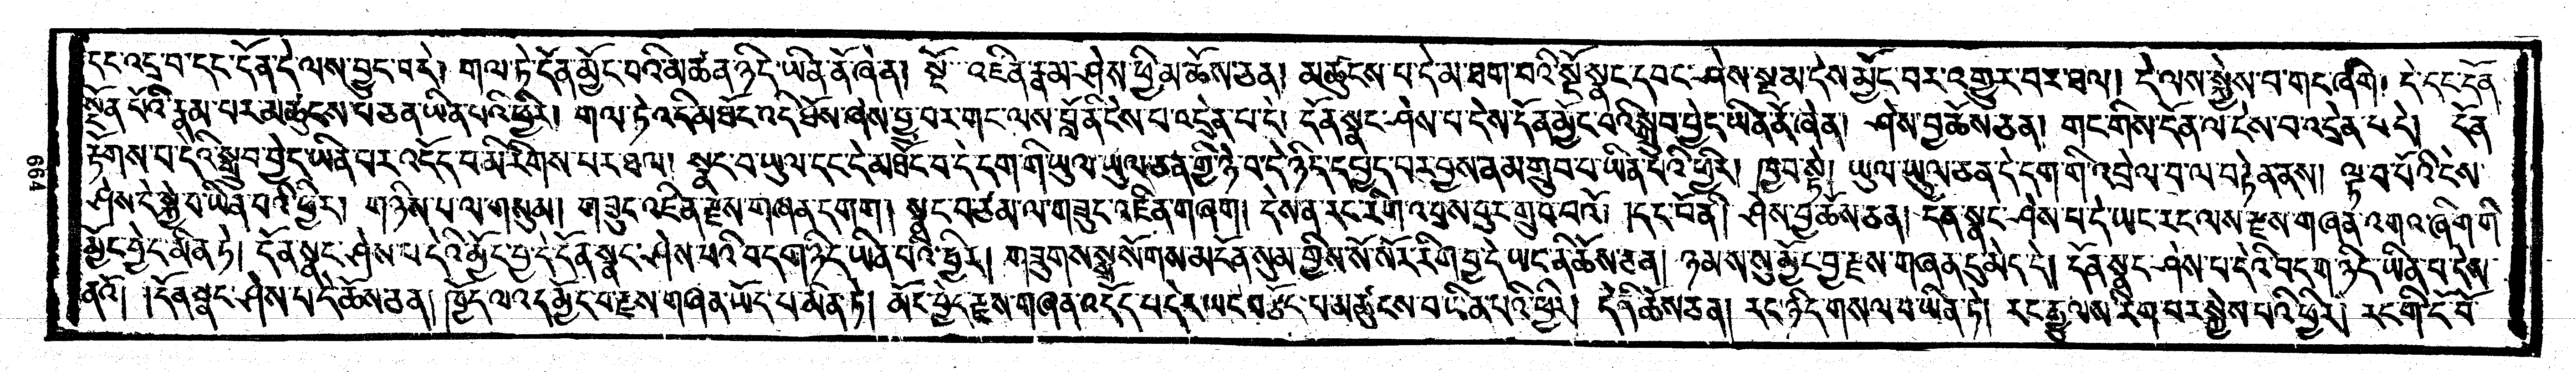དང་འདྲ་བ་དང་དོན་དེ་ལས་བྱུང་བདེ། གལ་ཏེ་དོན་མྱོང་བའི་མཚན་ཉིད་ཡིན་ནོ་ཞེ་ན། སྔོ་འཛིན་རྣམ་ཤེས་ཕྱི་མ་ཆོས་ཅན། མཚུངས་པ་དེ་མ་ཐག་པའི་སྔོ་སྣང་དབང་ཤེས་སྔ་མ་དེས་མྱོང་བར་འགྱུར་བར་ཐལ། དེ་ལས་སྐྱེས་པ་གང་ཞིག། དེ་དང་དོན་
སྔོན་པོའི་རྣམ་པར་མཚུངས་པ་ཅན་ཡིན་པའི་ཕྱིར། གལ་ཏེ་འདི་མཐོང་འདི་ཐོས་ཞེས་བྱུ་བར་གང་ལས་བློ་ནི་ངེས་པ་འདྲེན་པ་དེ། དོན་སྣང་ཤེས་པ་དེས་དོན་མྱོང་བའི་སྒྲུབ་བྱེད་ཡིན་ནོ་ཞེ་ན། ཤེས་བྱ་ཆོས་ཅན། གང་གིས་དོན་ལ་ངེས་པ་འདྲེན་པ་དེ། དོན་
རྟོགས་པ་དེའི་སྒྲུབ་བྱེད་ཡིན་པར་འདོད་པ་མི་རིགས་པར་ཐལ། སྣང་བ་ཡུལ་དང་དེ་མཐོང་བ་དེ་དག་གི་ཡུལ་ཡུལ་ཅན་གྱི་ཉེ་བ་དེ་ཉིད་དཔྱད་པར་བྱས་ནམ་གྲུབ་པ་ཡིན་པའི་ཕྱིར། ཁྱབ་སྟེ། ཡུལ་ཡུལ་ཅན་དེ་དག་གི་འབྲེལ་བ་ལ་བརྟེན་ནས། ལྟ་བ་བོའི་ངེས་
ཤེས་དེ་སྐྱེ་བ་ཡིན་པའི་ཕྱིར། གཉིས་པ་ལ་གསུམ། གཟུང་འཛིན་རྫས་གཞན་དགག། སྣང་བ་ཙམ་ལ་གཟུང་འཛིན་གཞག། དེས་ན་རང་རིག་འབྲས་བུར་གྲུབ་པའོ། །དང་པོ་ནི། ཤེས་བྱ་ཆོས་ཅན། དོན་སྣང་ཤེས་པ་དེ་ཡང་རང་ལས་རྫས་གཞན་འགའ་ཞིག་གི་
མྱོང་བྱེད་མིན་ཏེ། དོན་སྣང་ཤེས་པ་དེའི་མྱོང་བྱ་དེ་དོན་སྣང་ཤེས་པའི་བདག་ཉིད་ཡིན་པའི་ཕྱིར། གཟུགས་སྒྲ་སོགས་མངོན་སུམ་གྱིས་སོ་སོར་རིག་བྱ་དེ་ཡང་ནི་ཆོས་ཅན། ཉམས་སུ་མྱོང་བྱ་རྫས་གཞན་དུ་མེད་དེ། དོན་སྣང་ཤེས་པ་དེའི་བདག་ཉིད་ཡིན་པ་དེས་
ནའོ། །དོན་སྣང་ཤེས་པ་དེ་ཆོས་ཅན། ཁྱོད་ལའང་མྱོང་པ་རྫས་གཞན་ཡོད་པ་མིན་ཏེ། མོང་བྱེད་རྫས་གཞན་འདོད་པ་དེར་ཡང་བརྩོད་པ་མཚུངས་པ་ཡིན་པའི་ཕྱིར། དེ་ནི་ཆོས་ཅན། རང་ཉིད་གསལ་བ་ཡིན་ཏེ། རང་རྒྱུ་ལས་རིག་པར་སྐྱེས་པའི་ཕྱིར། རང་གི་ངོ་བོ་